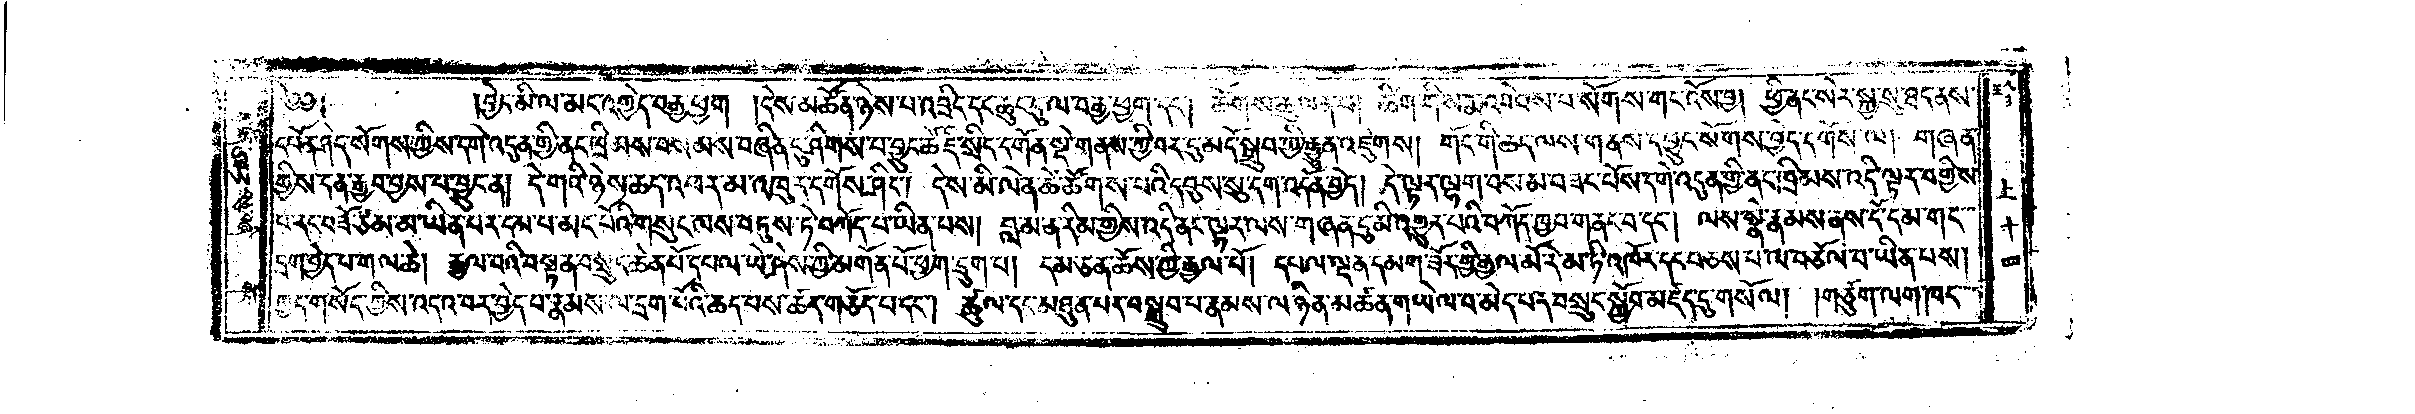༄༅། །བྱེད་མི་ལ་མང་འགྱེད་བརྒྱ་ཕྱག །དེས་མཚོན་ཉེས་པ་འབྲིང་དང་ཆུང་ངུ་ལ་བརྒྱ་ཕྱག་དང་། ཚོགས་ཆུ་ལེན་པ། ཚིག་གིས་རྨ་འབེབས་པ་སོགས་གང་འོས་བྱ། ཕྱི་ནང་སེར་སྐྱ་སུ་ཐང་ནས་
དཔོན་ཤེད་སོགས་ཀྱིས་དགེ་འདུན་གྱི་ནང་ཁྲིམས་བསམས་བཞིན་དུ་ཤིགས་པ་བྱུང་ཚེ་ཇི་སྲིད་དགོན་སྡེ་གནས་ཀྱི་བར་དུ་མདོ་སྒྲུབ་ཀྱི་རྒྱུན་འཛུགས། གོང་གི་ཆད་ལས་གནས་དབྱུང་སོགས་བྱེད་དགོས་ལ། གཞན་
གྱིས་དན་རྒྱབ་བྱས་པ་བྱུང་ན། དེ་གའི་ཉེས་ཆད་འཕར་མ་འཁུར་དགོས་ཤིང་། དེས་མི་ལེན་ཚེ་ཚོགས་པའི་དབུས་སུ་དག་འདོན་བྱེད། དེ་ལྟར་ལྷག་བསམ་བཟང་པོས་དགེ་འདུན་གྱི་ནང་ཁྲིམས་འདི་ལྟར་བགྱིས་
པ་རང་བཟོ་ཙམ་མ་ཡིན་པར་དམ་པ་མང་པོའི་གསུང་ལས་བཏུས་ཏེ་བཀོད་པ་ཡིན་པས། བླ་མ་ན་རིམ་གྱིས་འདི་ནང་ལྟར་ལས་གཞན་དུ་མི་འགྱུར་པའི་བཀོད་ཁྱབ་གནང་བ་དང་། ལས་སྣེ་རྣམས་ནས་ངོ་དམ་གང་
དྲག་བྱེད་པ་གལ་ཆེ། རྒྱལ་བའི་བསྟན་བསྲུང་ཆེན་པོ་དཔལ་ཡེ་ཤེས་ཀྱི་མགོན་པོ་ཕྱག་དྲུག་པ། དམ་ཅན་ཆོས་ཀྱི་རྒྱལ་པོ། དཔལ་ལྡན་དམག་ཟོར་གྱི་རྒྱལ་མོ་རེ་མ་ཏི་འཁོར་དང་བཅས་པ་ལ་བཅོལ་བ་ཡིན་པས།
ཁྱད་གསོད་ཀྱིས་འདའ་བར་བྱེད་པ་རྣམས་ལ་དྲག་པོའི་ཆད་པས་ཚར་གཅོད་པ་དང་། ཚུལ་དང་མཐུན་པར་བསྒྲུབ་པ་རྣམས་ལ་ཉིན་མཚན་གཡེལ་བ་མེད་པར་བསྲུང་སྐྱོབ་མཛད་དུ་གསོལ། །གཙུག་ལག་ཁང་